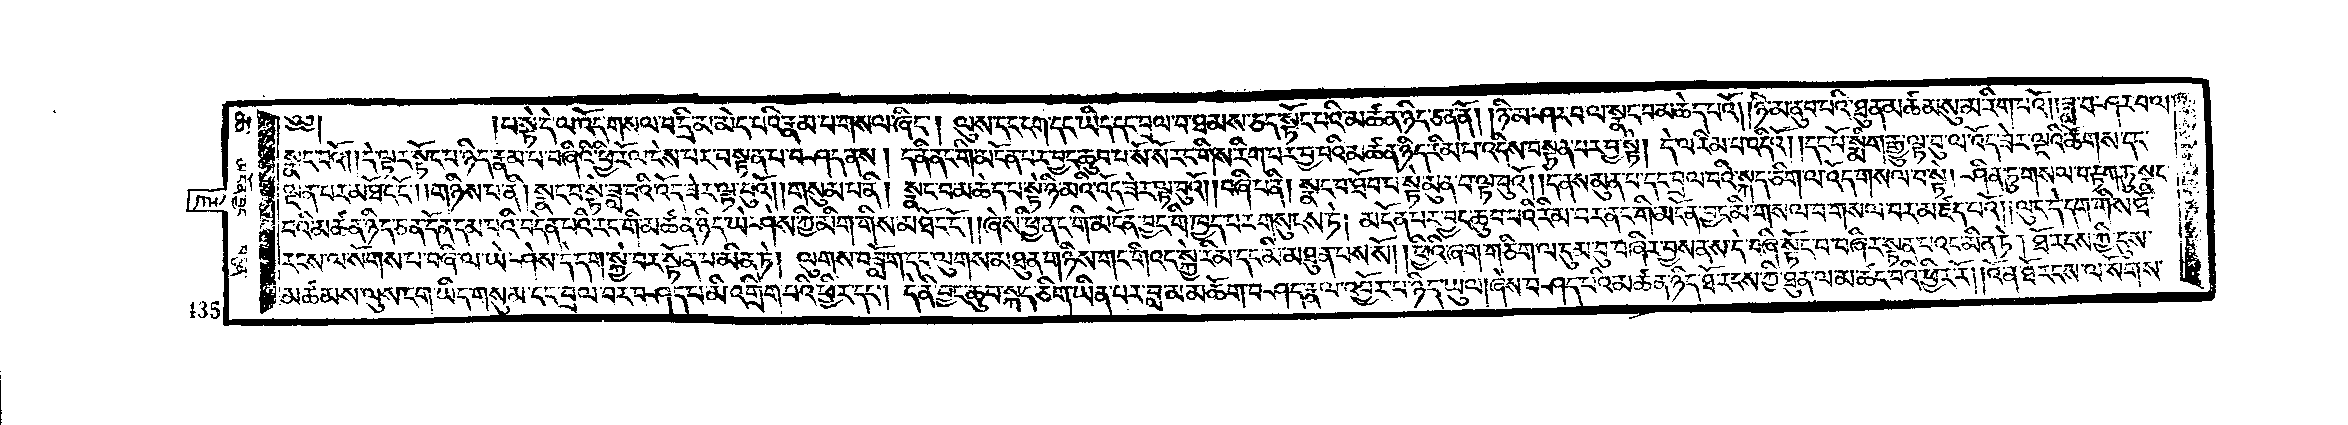༄༅། །པ་སྟེ་དེ་ལ་འོད་གསལ་བ་དྲི་མ་མེད་པའི་རྣམ་པ་གསལ་ཞིང་། ལུས་དང་ངག་དང་ཡིད་དང་བྲལ་བ་ཐམས་ཅད་སྟོང་པའི་མཚན་ཉིད་ཅན་ནོ། །ཉི་མ་ཤར་བ་ལ་སྣང་བ་མཆེད་པའོ། །ཉི་མ་ནུབ་པའི་ཐུན་མཚམས་སུ་མ་རིག་པའོ། །ཟླ་བ་ཤར་བ་ལ་
སྣང་བའོ། །དེ་ལྟར་སྟོང་པ་ཉིད་རྣམ་པ་བཞིའི་ཕྱི་རོལ་ངེས་པར་བསྟན་པ་བཤད་ནས། ད་ནི་ནང་གི་མངོན་པར་བྱང་ཆུབ་པ་སོ་སོ་རང་གིས་རིག་པར་བྱ་བའི་མཚན་ཉིད་རིམ་པ་འདིས་བསྟན་པར་བྱ་སྟེ། དེ་ལ་རིམ་པ་འདིའོ། །དང་པོ་སྨིག་རྒྱུ་ལྟ་བུ་ལ་འོད་ཟེར་ལྔའི་ཚོགས་དང་
ལྡན་པར་མཐོང་ངོ། །གཉིས་པ་ནི། སྣང་བ་སྟེ་ཟླ་བའི་འོད་ཟེར་ལྟ་བུའོ། །གསུམ་པ་ནི། སྣང་བ་མཆེད་པ་སྟེ་ཉི་མའི་འོད་ཟེར་ལྟ་བུའོ། །བཞི་པ་ནི། སྣང་བ་ཐོབ་པ་སྟེ་མུན་པ་ལྟ་བུའོ། །དེ་ནས་མུན་པ་དང་བྲལ་བའི་སྐད་ཅིག་ལ་འོད་གསལ་བ་སྟེ། ཤིན་ཏུ་གསལ་བ་རྟག་ཏུ་སྣང་
བའི་མཚན་ཉིད་ཅན་དོན་དམ་པའི་བདེན་པའི་རང་གི་མཚན་ཉིད་ཡེ་ཤེས་ཀྱི་མིག་གིས་མཐོང་ངོ། །ཞེས་ཕྱི་ནང་གི་མངོན་བྱང་གི་ཁྱད་པར་གསུངས་ཏེ། མངོན་པར་བྱང་ཆུབ་པའི་རིམ་པར་ནང་གི་མངོན་བྱང་མི་གསལ་བ་གསལ་བར་མཛད་པའོ། །ལུང་དེ་དག་གིས་ཐོ་
རངས་ལ་སོགས་པ་བཞི་ལ་ཡེ་ཤེས་དེ་དག་སྐྱེ་བར་སྟོན་པ་མིན་ཏེ། ལུགས་བཟློག་དང་ལུགས་མཐུན་གཉིས་གང་གིའང་སྐྱེ་རིམ་དང་མི་མཐུན་པས་སོ། །ཕྱིའི་ཞག་གཅིག་ལ་དུམ་བུ་བཞིར་བྱས་ནས་དེ་བཞི་སྟོང་པ་བཞིར་སྟན་པའང་མིན་ཏེ། ཐོ་རངས་ཀྱི་དུས་
མཚམས་ལུས་ངག་ཡིད་གསུམ་དང་བྲལ་བར་བཤད་པ་མི་འགྲིག་པའི་ཕྱིར་དང་། དེ་ནི་བྱང་ཆུབ་སྐད་ཅིག་ཡིན་པར་བླ་མ་མཆོག་བཤད་རྣལ་འབྱོར་པ་ཉིད་ཡུལ། ཞེས་བཤད་པའི་མཚན་ཉིད་ཐོ་རངས་ཀྱི་ཐུན་ལ་མ་ཚང་བའི་ཕྱིར་རོ། །འོ་ན་ཐོ་རངས་ལ་སོགས་